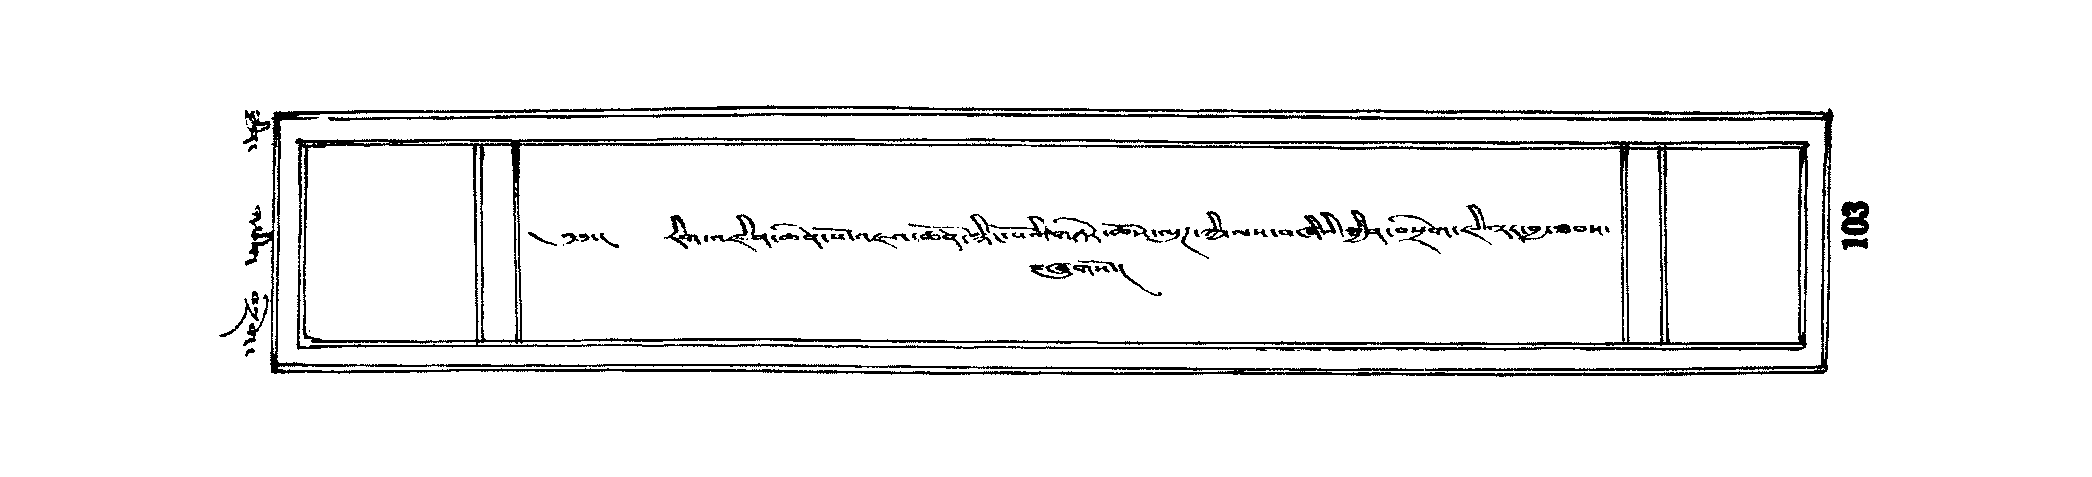༄༅། རིག་འཛིན་ཆེན་པོ་འཇའ་ཚོན་སྙིང་པོའི་གཏེར་ཆོས་ལུགས་ཀྱི་ལས་བཞིའི་སྦྱིན་བསྲེག་ཇི་ལྟར་བྱ་ཐབས་
བཞུགས་སོ།